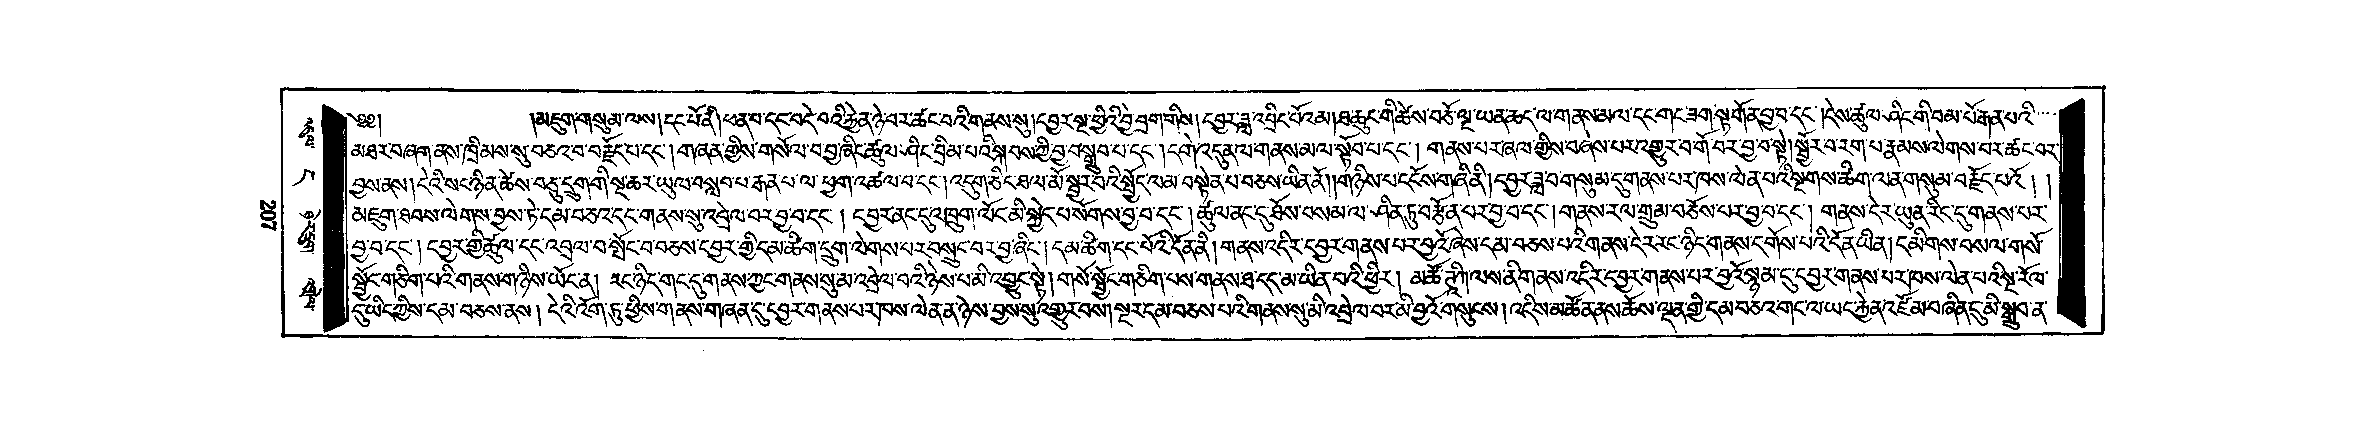༄༅། །མཇུག་གསུམ་ལས། དང་པོ་ནི། ཕན་པ་དང་བདེ་བའི་རྐྱེན་ཉེ་བར་ཚང་བའི་གནས་སུ། དབྱར་སྔ་ཕྱིའི་བྱེ་བྲག་གིས། དབྱར་ཟླ་འབྲིང་པོའམ། ཐ་ཆུང་གི་ཚེས་བཅོ་ལྔ་ཡན་ཆད་ལ་གནས་མལ་དང་གང་ཟག་སྟ་གོན་བྱ་བ་དང་། དེས་ཚུལ་ཤིང་གི་བམ་པོ་རྒན་པའི་
མཐར་བཞག་ནས་ཁྲིམས་སུ་བཅའ་བ་བརྗོད་པ་དང་། གཞན་གྱིས་གསོལ་བ་བྱ་ཞིང་ཚུལ་ཤིང་བྲིམ་པའི་སྐབས་ཀྱི་བྱ་བསྒྲུབ་པ་དང་། དགེ་འདུན་ལ་གནས་མལ་སྟོབ་པ་དང་། གནས་པར་ཞལ་གྱིས་བཞེས་པར་འགྱུར་བ་གོ་བར་བྱ་བ་སྟེ། སྦྱོར་བ་རག་པ་རྣམས་ལེགས་པར་ཚང་བར་
བྱས་ནས། དེའི་སང་ཉིན་ཚེས་བཅུ་དྲུག་གི་སྔ་ཆར་ཡུལ་བསླབ་པ་རྒན་པ་ལ་ཕྱག་འཚལ་བ་དང་། འདུག་ཅིང་ཐལ་མོ་སྦྱར་བའི་སྤྱོད་ལམ་བསྟེན་པ་བཅས་ཡིན་ནོ། །གཉིས་པ་དངོས་གཞི་ནི། དབྱར་ཟླ་བ་གསུམ་དུ་གནས་པར་ཁས་ལེན་པའི་སྔགས་ཚིག་ལན་གསུམ་བརྗོད་པའོ། །
མཇུག་ཐབས་ལེགས་བྱས་ཏེ་དམ་བཅའ་དང་གནས་སུ་འབྲེལ་བར་བྱ་བ་དང་། དབྱར་ནང་དུ་འཁྲུག་ལོང་མི་སྐྱེད་པ་སོགས་བྱ་བ་དང་། ཚུལ་ནང་དུ་ཐོས་བསམ་ལ་ཤིན་ཏུ་བརྩོན་པར་བྱ་བ་དང་། གནས་རལ་གྲུམ་བཅོས་པར་བྱ་བ་དང་། གནས་དེར་ཡུན་རིང་དུ་གནས་པར་
བྱ་བ་དང་། དབྱར་གྱི་ཚུལ་དང་འབྲལ་བ་སྤོང་བ་བཅས་དབྱར་གྱི་དམ་ཚིག་དྲུག་ལེགས་པར་བསྲུང་བར་བྱ་ཞིང་། དམ་ཚིག་དང་པོའི་དོན་ནི། གནས་འདིར་དབྱར་གནས་པར་བྱའོ་ཞེས་དམ་བཅས་པའི་གནས་དེར་རང་ཉིད་གནས་དགོས་པའི་དོན་ཡིན། དམིགས་བསལ་གསོ་
སྦྱོང་གཅིག་པའི་གནས་གཉིས་ཡོང་ན། རང་ཉིད་གང་དུ་གནས་ཀྱང་གནས་སུ་མ་འབྲེལ་བའི་ཉེས་པ་མི་འབྱུང་སྟེ། གསོ་སྦྱོང་གཅིག་པས་གནས་ཐ་དད་མ་ཡིན་པའི་ཕྱིར། མཚོ་ཊཱིཀ་ལས་ནི་གནས་འདིར་དབྱར་གནས་པར་བྱའོ་སྙམ་དུ་དབྱར་གནས་པར་ཁས་ལེན་པའི་སྔ་རོལ་
དུ་ཡིད་ཀྱིས་དམ་བཅས་ནས། དེའི་འོག་ཏུ་ཕྱིས་གནས་གཞན་དུ་དབྱར་གནས་པར་ཁས་ལེན་ན་ཉེས་བྱས་སུ་འགྱུར་བས། སྔར་དམ་བཅས་པའི་གནས་སུ་མི་འབྲེལ་བར་མི་བྱའོ་གསུངས། འདིས་མཚོན་ནས་ཆོས་ལྡན་གྱི་དམ་བཅའ་གང་ལ་ཡང་རྐྱེན་འཛོམ་བཞིན་དུ་མི་སྒྲུབ་ན་